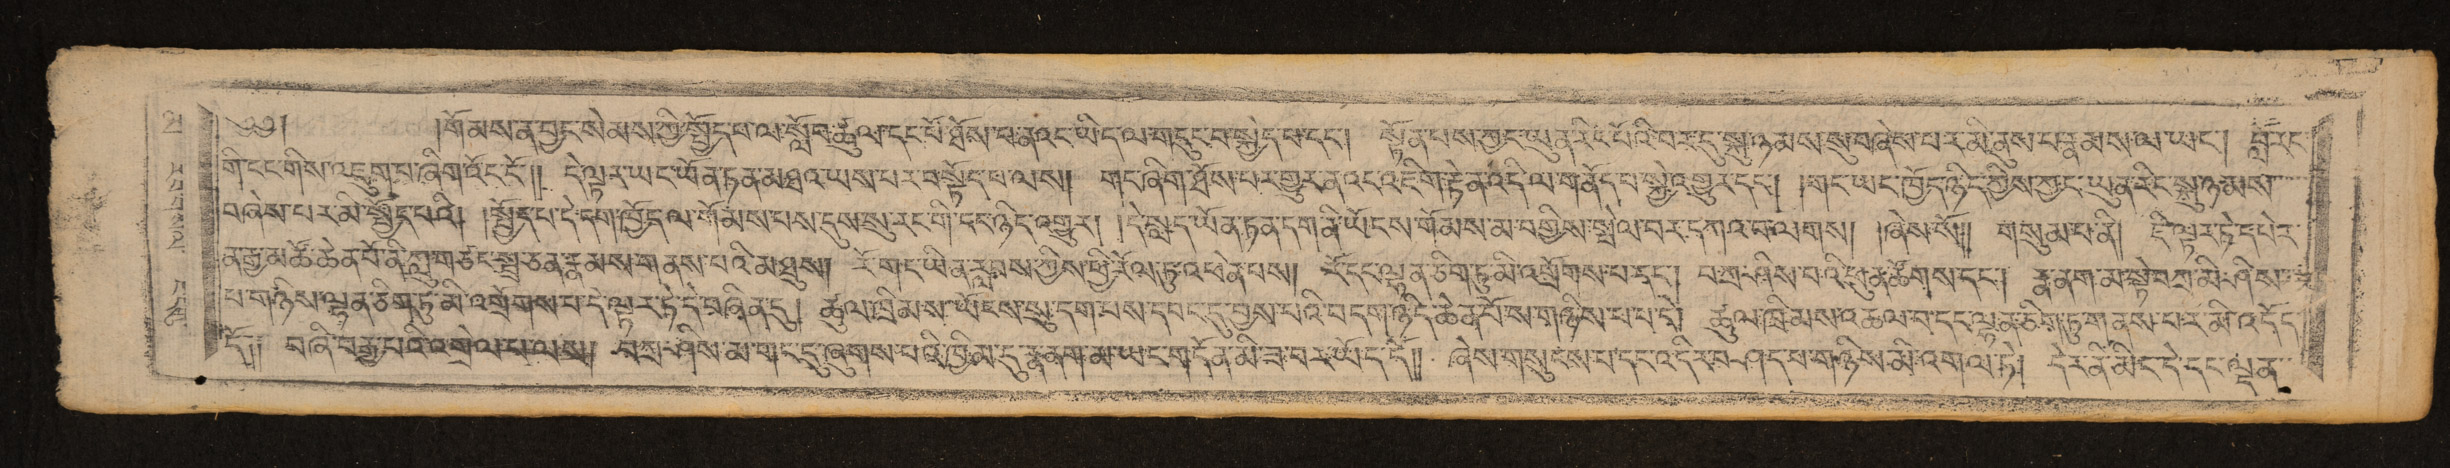༄༅། །གོམས་ན་བྱང་སེམས་ཀྱི་སྤྱོད་པ་ལ་སློབ་ཚུལ་དང་པོ་ཐོས་པ་ནའང་ཡིད་ལ་གདུང་བ་སྐྱེད་པ་དང་། སྟོན་པས་ཀྱང་ཡུན་རིང་པོའི་བར་དུ་སྐུ་ཉམས་སུ་བཞེས་པར་མི་ནུས་པ་རྣམས་ལ་ཡང་། བློ་རང་
གི་ངང་གིས་འཇུག་པ་ཅིག་འོང་ངོ།། དེ་ལྟར་ཡང་ཡོན་ཏན་མཐའ་ཡས་པར་བསྟོད་པ་ལས། གང་ཞིག་ཐོས་པར་གྱུར་ནའང་འཇིག་རྟེན་འདི་ལ་གནོད་པ་སྐྱེ་འགྱུར་དང་། །གང་ཡང་ཁྱོད་ཉིད་ཀྱིས་ཀྱང་ཡུན་རིང་སྐུ་ཉམས་
བཞེས་པར་མི་སྤྱོད་པའི། །སྤྱོད་པ་དེ་དག་ཁྱོད་ལ་གོམས་པས་དུས་སུ་རང་གི་ངང་ཉིད་འགྱུར། །དེ་སླད་ཡོན་ཏན་དག་ནི་ཡོངས་གོམས་མ་བགྱིས་སྤེལ་བར་དཀའ་བ་ལགས། །ཞེས་སོ།། གསུམ་པ་ནི། ཇི་ལྟར་ཏེ་དཔེར་
ན་རྒྱ་མཚོ་ཆེན་པོ་ནི་ཀླུ་གཙང་སྦྲ་ཅན་རྣམས་གནས་པའི་མཐུས། རོ་གང་ཡིན་རླབས་ཀྱིས་ཕྱི་རོལ་ཏུ་འཕེན་པས། རོ་དང་ལྷན་ཅིག་ཏུ་མི་འགྲོགས་པ་དང་། བཀྲ་ཤིས་པའི་ཕུན་ཚོགས་དང་། རྣ་ནག་མ་སྟེ་བཀྲ་མི་ཤིས་
པ་གཉིས་ལྷན་ཅིག་ཏུ་མེ་འགྲོགས་པ་དེ་ལྟར་ཏེ་དེ་བཞིན་དུ། ཚུལ་ཁྲིམས་ཡོངས་སུ་དག་པས་དབང་དུ་བྱས་པའི་བདག་ཉིད་ཆེན་པོ་ས་གཉིས་པ་བ་དེ། ཚུལ་ཁྲིམས་འཆལ་བ་དང་ལྷན་ཅིག་ཏུ་གནས་པར་མི་འདོད་
དོ༑ ༑བཞི་བརྒྱ་པའི་འགྲེལ་པ་ལས། བཀྲ་ཤིས་མ་གང་དུ་ཞུགས་པའི་ཁྱིམ་དུ་རྣ་ནག་མ་ཡང་གདོན་མི་ཟ་བར་ཡོད་དོ།། ཞེས་གསུངས་པ་དང་འདིར་བཤད་པ་གཉིས་མི་འགལ་ཏེ། དེར་ནི་མིང་དེ་དང་ལྡན་